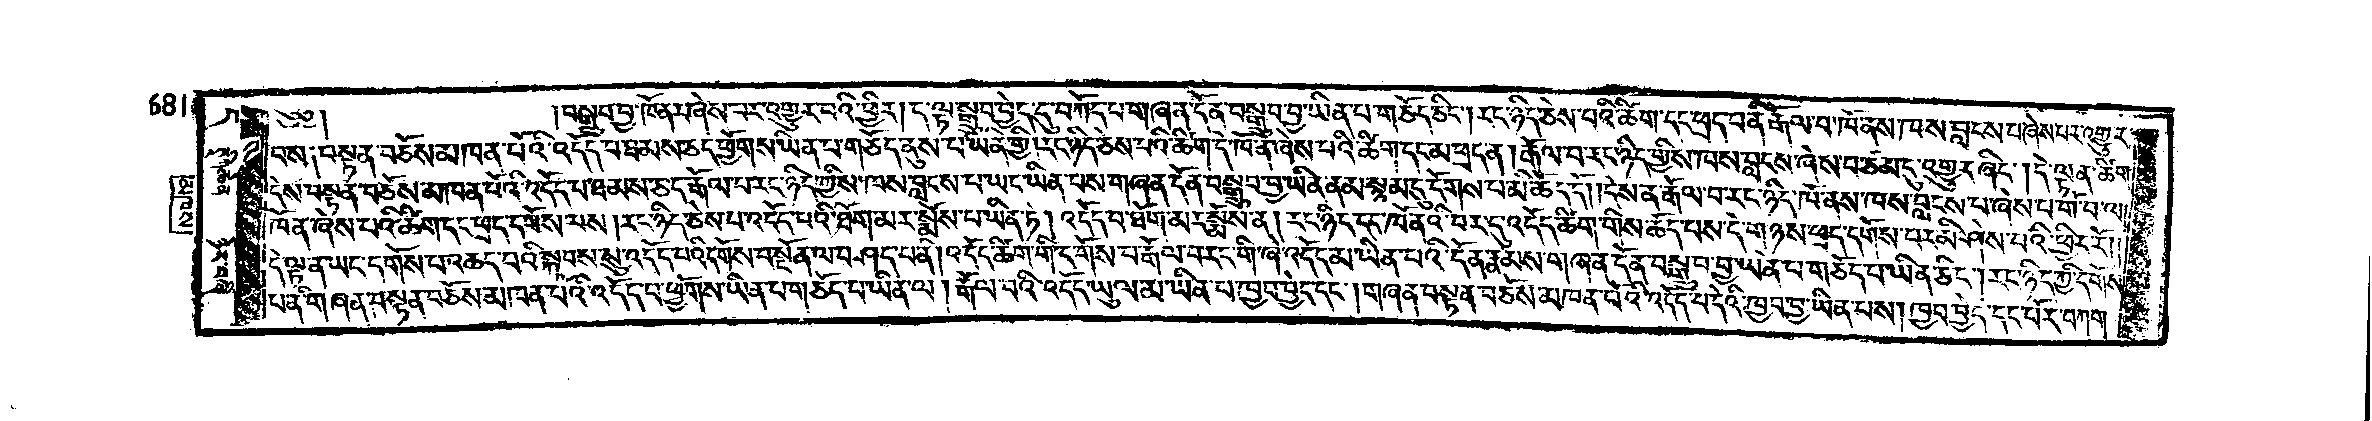༄༅། །བསྒྲུབ་བྱ་ཁོ་ནར་ཞེས་པར་འགྱུར་བའི་ཕྱིར། དེ་ལྟ་སྒྲུབ་བྱེད་དུ་བཀོད་པ་གཞན་དོན་བསྒྲུབ་བྱ་ཡིན་པ་གཅོད་ཅིང་། རང་ཉིད་ཅེས་པའི་ཚིག་དང་ཕྲད་པ་ནི་རྒོལ་བ་ཁོ་ནས་ཁས་བླངས་པ་ཞེས་པར་འགྱུར་
བས། བསྟན་བཅོས་མཁན་པོའི་འདོད་པ་ཐམས་ཅད་ཕྱོགས་ཡིན་པ་གཅོད་ནུས་པ་ཡིན་གྱི། རང་ཉིད་ཅེས་པའི་ཚིག་དེ་ཁོ་ན་ཞེས་པའི་ཚིག་དང་མ་ཕྲད་ན། རྒོལ་བ་རང་ཉིད་ཀྱིས་ཁས་བླངས་ཞེས་པ་ཙམ་དུ་འགྱུར་ཞིང་། དེ་ལྟར་ན་ཚིག་
དེས་བསྟན་བཅོས་མཁན་པོའི་འདོད་པ་ཐམས་ཅད་རྒོལ་བ་རང་ཉིད་ཀྱིས་ཁས་བླངས་པ་ཡང་ཡིན་པས་གཞན་དོན་བསྒྲུབ་བྱ་ཡིན་ནམ་སྙམ་དུ་དོགས་པ་མི་ཆོད་དོ། །དེས་ན་རྒོལ་བ་རང་ཉིད་ཁོ་ནས་ཁས་བླངས་པ་ཞེས་པ་གོ་བ་ལ།
ཁོ་ན་ཞེས་པའི་ཚིག་དང་ཕྲད་དགོས་པས། རང་ཉིད་ཅེས་པ་འདོད་པའི་ཐོག་མར་སྨོས་པ་ཡིན་ཏེ། འདོད་པ་ཐོག་མར་སྨོས་ན། རང་ཉིད་དང་ཁོ་ནའི་བར་དུ་འདོད་ཚིག་གིས་ཆོད་པས་དེ་གཉིས་ཕྲད་དགོས་པར་མི་ཤེས་པའི་ཕྱིར་རོ། །
དེ་ལྟ་ན་ཡང་དགོས་པ་འཆད་པའི་སྐབས་སུ་འདོད་པའི་དགོས་པ་སྔོན་ལ་བཤད་པ་ནི། འདོད་ཚིག་གི་དགོས་པ་རྒོལ་བ་རང་གི་ཞེ་འདོད་པ་མ་ཡིན་པའི་དོན་རྣམས་གཞན་དོན་བསྒྲུབ་བྱ་ཡིན་པ་གཅོད་པ་ཡིན་ཅིང་། རང་ཉིད་ཀྱི་དགོས་
པ་ནི་གཞན་བསྟན་བཅོས་མཁན་པོའི་འདོད་པ་ཕྱོགས་ཡིན་པ་གཅོད་པ་ཡིན་ལ། རྒོལ་བའི་འདོད་ཡུལ་མ་ཡིན་པ་ཁྱབ་བྱེད་དང་། གཞན་བསྟན་བཅོས་མཁན་པོའི་འདོད་པ་དེའི་ཁྱབ་བྱ་ཡིན་པས། ཁྱབ་བྱེད་དང་པོར་བཀག་